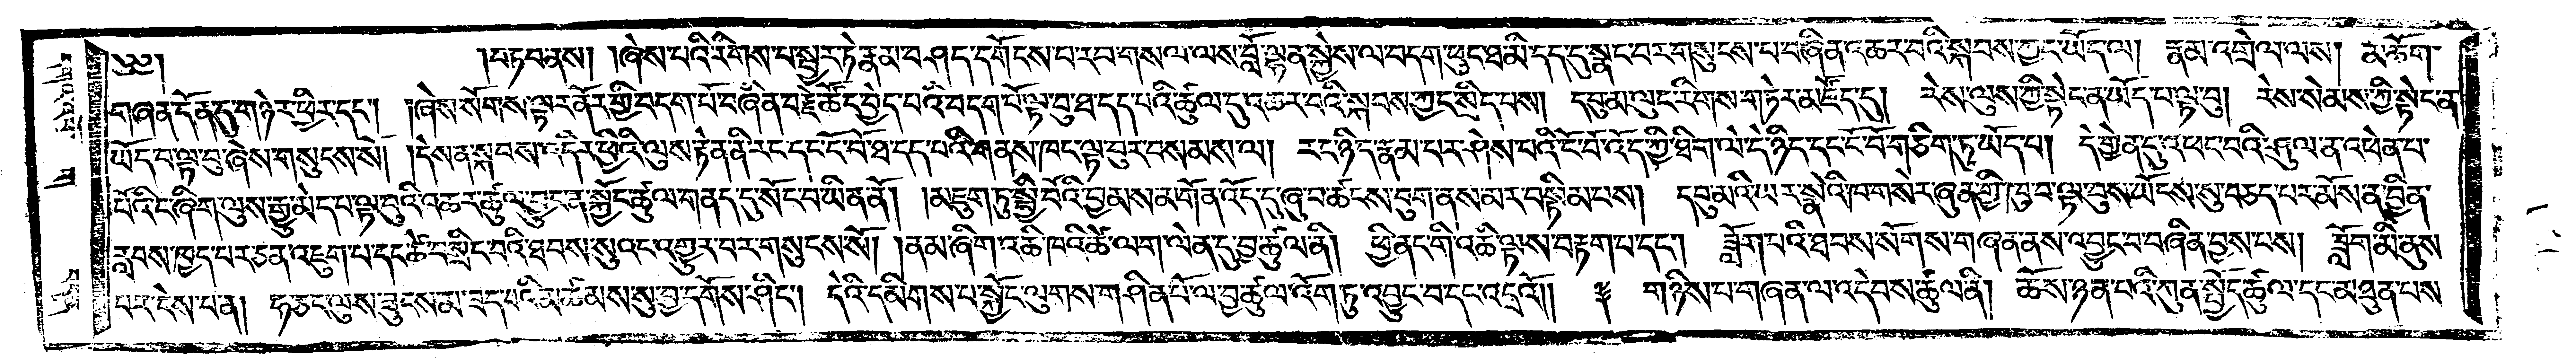༄༅། །བཏབ་ནས། །ཞེས་པའི་རིགས་པ་སྦྱར་ཏེ་རྣམ་བཤད་དགོངས་པ་རབ་གསལ་ལས་བློ་ལྷན་སྐྱེས་ལ་བདག་ཕུང་ཐ་མི་དད་དུ་སྣང་བར་གསུངས་པ་བཞིན་འཆར་བའི་སྐབས་ཀྱང་ཡོད་ལ། རྣམ་འགྲེལ་ལས། མཆོག་
གཞན་དོན་དུ་གཉེར་ཕྱིར་དང་། །ཞེས་སོགས་ལྟར་ནོར་གྱི་བདག་པོ་བཞིན་བརྗེ་ཚོང་བྱེད་བའི་བདག་པོ་ལྟ་བུ་ཐ་དད་པའི་ཚུལ་དུ་འཆར་བའི་སྐབས་ཀྱང་སྲིད་པས། དབུ་མ་ལུང་རིགས་གཏེར་མཛོད་དུ། རེས་ལུས་ཀྱི་སྟེང་ན་ཡོད་བ་ལྟ་བུ། རེས་སེམས་ཀྱི་སྟེང་ན་
ཡོད་བ་ལྟ་བུ་ཞེས་གསུངས་སོ། །དེས་ན་སྐབས་འདིར་ཕྱིའི་ལུས་རྟེན་ནི་རང་དང་ངོ་བོ་ཐ་དད་བའི་གནས་ཁང་ལྟ་བུར་བསམས་ལ། རང་ཉིད་རྣམ་པར་ཤེས་པའི་ངོ་བོ་འོད་ཀྱི་ཐིག་ལེ་དེ་ཉིད་དང་ངོ་བོ་གཅིག་ཏུ་ཡོད་པ། དེ་གྱེན་དུ་འཕང་བའི་ཤུལ་ན་འཕེན་པ་
བོའི་ང་ཞིག་ལུས་རྒྱུ་མེད་པ་ལྟ་བུའི་འཆར་ཚུལ་བྱུང་ན་སྐྱོང་ཚུལ་གནད་དུ་སོང་བ་ཡིན་ནོ། །མཇུག་ཏུ་སྤྱི་བོའི་བྱམས་མགོན་འོད་དུ་ཞུ་བ་ཚངས་བུག་ནས་མར་བསྟིམ་པས། དབུ་མའི་ཡར་སྣེའི་ཁ་གསེར་ཞུན་གྱི་ཁུ་བ་ལྟ་བུས་ཡོངས་སུ་བཅད་པར་མོས་ན་བྱིན་
རླབས་ཁྱད་པར་ཅན་འཇུག་པ་དང་ཚེ་བསྲིང་བའི་ཐབས་སུའང་འགྱུར་བར་གསུངས་སོ། །ནམ་ཞིག་འཆི་ཁའི་ཚེ་ལག་ལེན་དུ་བྱ་ཚུལ་ནི། ཕྱི་ནང་གི་འཆི་ལྟས་བརྟག་པ་དང་། ཟློག་པའི་ཐབས་སོགས་གཞན་ནས་འབྱུང་བ་བཞིན་བྱས་པས། ཟློག་མི་ནུས་
པར་ངེས་པ་ན། ཧ་ཅང་ལུས་ཟུངས་མ་ཟད་པའི་མཚམས་སུ་བྱ་དགོས་ཤིང་། དེའི་དམིགས་པ་སྐྱོང་ལུགས་གཤིན་པོ་ལ་བྱ་ཚུལ་འོག་ཏུ་འབྱུང་བ་དང་འདྲའོ། ། ༈ གཉིས་པ་གཞན་ལ་འདེབས་ཚུལ་ནི། ཆོས་ཉན་བའི་ཀུན་སྤྱོད་ཚུལ་དང་མཐུན་པས་